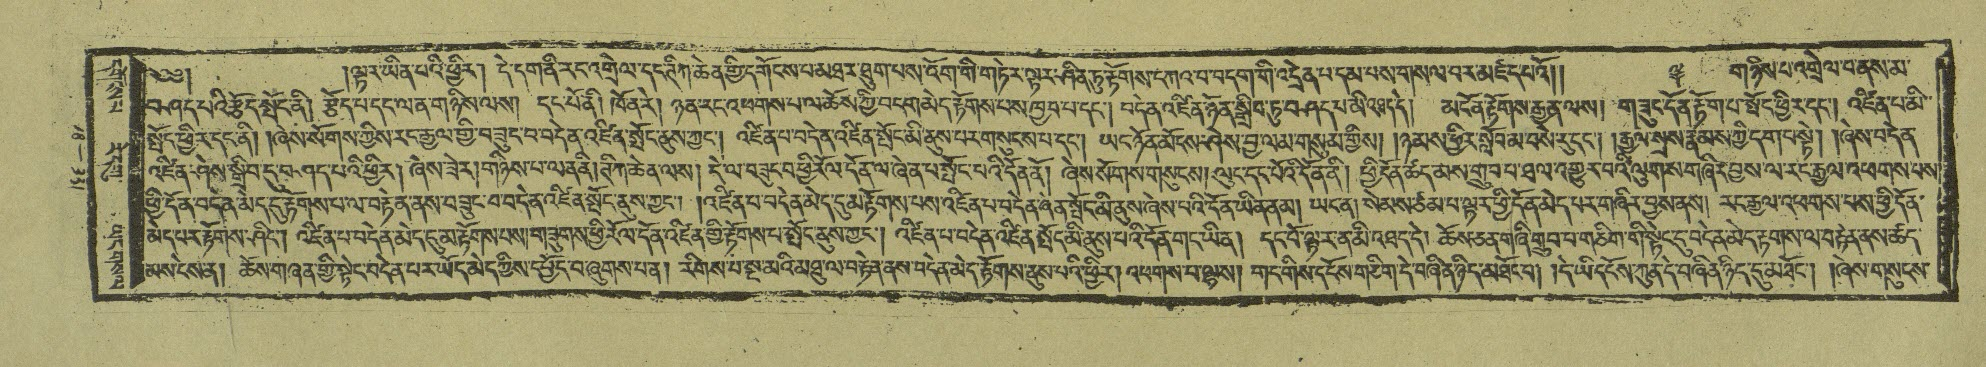༄༅། །ལྟར་ཡིན་པའི་ཕྱིར། དེ་དག་ནི་རང་འགྲེལ་དང་ཊིཀ་ཆེན་གྱི་དགོངས་པ་མཐར་ཐུག་པས་འོག་གི་གཏེར་ལྟར་ཤིན་ཏུ་རྟོགས་དཀའ་བ་བདག་གི་འདྲེན་པ་དམ་པས་གསལ་བར་མཛད་པའོ།། གཉིས་པ་འགྲེལ་པ་ནས་མ་
བཤད་པའི་རྩོད་སྤོང་ནི། རྩོད་པ་དང་ལན་གཉིས་ལས། དང་པོ་ནི། ཁོ་ན་རེ། ཉན་རང་འཕགས་པ་ལ་ཆོས་ཀྱི་བདག་མེད་རྟོགས་པས་ཁྱབ་པ་དང་། བདེན་འཛིན་ཉོན་སྒྲིབ་ཏུ་བཤད་པ་མི་འཐད་དེ། མངོན་རྟོགས་རྒྱན་ལས། གཟུང་དོན་རྟོག་པ་སྤོང་ཕྱིར་དང་། འཛིན་པ་མི་
སྤོང་ཕྱིར་དང་ནི། །ཞེས་སོགས་ཀྱིས་རང་རྒྱལ་གྱི་བཟུང་བ་བདེན་འཛིན་སྤོང་ནུས་ཀྱང་། འཛིན་པ་བདེན་འཛིན་སྤོང་མི་ནུས་པར་གསུངས་པ་དང་། ཡང་ཉོན་མོངས་ཤེས་བྱ་ལམ་གསུམ་གྱིས། །ཉམས་ཕྱིར་སློབ་མ་བསེ་རུ་དང་། །རྒྱལ་སྲས་རྣམས་ཀྱི་དག་པ་སྟེ། །ཞེས་བདེན་
འཛིན་ཤེས་སྒྲིབ་དུ་བཤད་པའི་ཕྱིར། ཞེས་ཟེར། གཉིས་པ་ལན་ནི། ཊིཀ་ཆེན་ལས། དེ་ལ་བཟུང་བ་ཕྱི་རོལ་དོན་ལ་ཞེན་པ་སྤོང་བའི་དོན་ནོ། ཞེས་སོགས་གསུངས། ལུང་དང་པོའི་དོན་ནི། ཕྱི་དོན་ཚད་མས་གྲུབ་པ་ཐལ་འགྱུར་པའི་ལུགས་གཞིར་བྱས་ལ་རང་རྒྱལ་འཕགས་པས་
ཕྱི་དོན་བདེན་མེད་དུ་རྟོགས་པ་ལ་བརྟེན་ནས་བཟུང་བ་བདེན་འཛིན་སྤོང་ནུས་ཀྱང་། །འཛིན་པ་བདེན་མེད་དུ་མ་རྟོགས་པས་འཛིན་པ་བདེན་ཞེན་སྤོང་མི་ནུས་ཞེས་པའི་དོན་ཡིན་ནམ། ཡང་ན། སེམས་ཙམ་པ་ལྟར་ཕྱི་དོན་མེད་པར་གཞིར་བྱས་ནས། རང་རྒྱལ་འཕགས་པས་ཕྱི་དོན་
མེད་པར་རྟོགས་ཤིང་། འཛིན་པ་བདེན་མེད་དུ་མ་རྟོགས་པས། གཟུགས་ཕྱི་རོལ་དོན་འཛིན་གྱི་རྟོགས་པ་སྤོང་ནུས་ཀྱང་། འཛིན་པ་བདེན་འཛིན་སྡོད་མི་ནུས་པའི་དོན་གང་ཡིན། དང་པོ་ལྟར་ན་མི་འཐད་དེ། ཆོས་ཅན་གཞི་གྲུབ་པ་གཅིག་གི་སྟེང་དུ་བདེན་མེད་རྟགས་ལ་བརྟེན་ནས་ཚད་
མས་ངེས་ན། ཆོས་གཞན་གྱི་སྟེང་བདེན་པར་ཡོད་མེད་ཀྱིས་དཔྱོད་པ་ཞུགས་པ་ན། རིགས་པ་སྔ་མའི་མཐུ་ལ་བརྟེན་ནས་བདེན་མེད་རྟོགས་ནུས་པའི་ཕྱིར། འཕགས་པ་ལྷས། གང་གིས་དངོས་གཅིག་དེ་བཞིན་ཉིད་མཐོང་བ། །དེ་ཡི་དངོས་ཀུན་དེ་བཞིན་ཉིད་དུ་མཐོང་། །ཞེས་གསུངས་